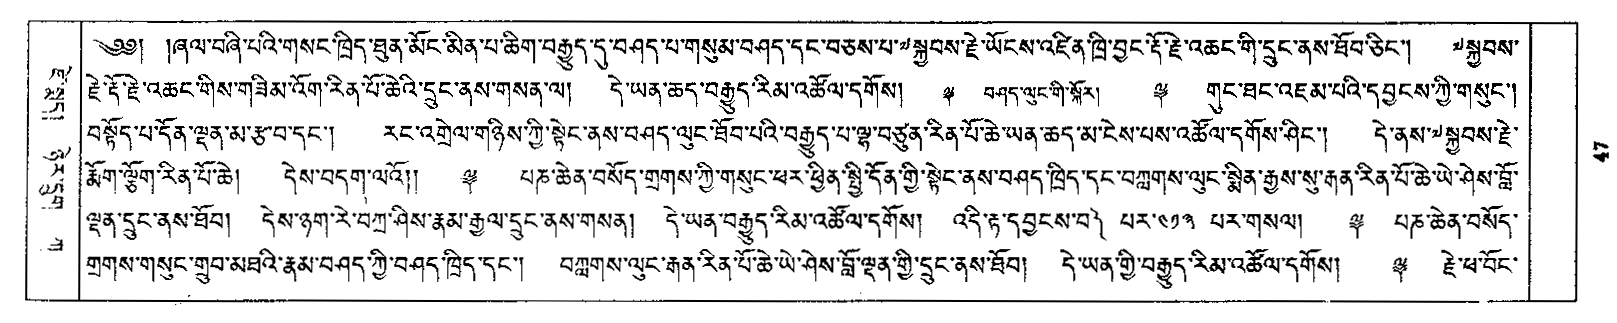༄༅། །ཞལ་བཞི་པའི་གསང་ཁྲིད་ཐུན་མོང་མིན་པ་ཆིག་བརྒྱུད་དུ་བཤད་པ་གསུམ་བཤད་དང་བཅས་པ་༧སྐྱབས་རྗེ་ཡོངས་འཛིན་ཁྲི་བྱང་རྡོ་རྗེ་འཆང་གི་དྲུང་ནས་ཐོབ་ཅིང་། ༧སྐྱབས་
རྗེ་རྡོ་རྗེ་འཆང་གིས་གཟིམ་འོག་རིན་པོ་ཆེའི་དྲུང་ནས་གསན་ལ། དེ་ཡན་ཆད་བརྒྱུད་རིམ་འཚོལ་དགོས། ༈ བཤད་ལུང་གི་སྐོར། ༈ གུང་ཐང་འཇམ་པའི་དབྱངས་ཀྱི་གསུང་།
བསྟོད་པ་དོན་ལྡན་མ་རྩ་བ་དང་། རང་འགྲེལ་གཉིས་ཀྱི་སྟེང་ནས་བཤད་ལུང་ཐོབ་པའི་བརྒྱུད་པ་ལྷ་བཙུན་རིན་པོ་ཆེ་ཡན་ཆད་མ་ངེས་པས་འཚོལ་དགོས་ཤིང་། དེ་ནས་༧སྐྱབས་རྗེ་
རྨོག་ལྕོག་རིན་པོ་ཆེ། དེས་བདག་ལའོ།། ༈ པཎ་ཆེན་བསོད་གྲགས་ཀྱི་གསུང་ཕར་ཕྱིན་སྤྱི་དོན་གྱི་སྟེང་ནས་བཤད་ཁྲིད་དང་བཀླགས་ལུང་སྨིན་རྒྱས་སུ་རྒན་རིན་པོ་ཆེ་ཡེ་ཤེས་བློ་
ལྡན་དྲུང་ནས་ཐོབ། དེས་ཉག་རེ་བཀྲ་ཤིས་རྣམ་རྒྱལ་དྲུང་ནས་གསན། དེ་ཡན་བརྒྱུད་རིམ་འཚོལ་དགོས། འདི་རྟ་དབྱངས་བ྄་པར ༤༡༣་པར་གསལ། ༈ པཎ་ཆེན་བསོད་
གྲགས་གསུང་གྲུབ་མཐའི་རྣམ་བཤད་ཀྱི་བཤད་ཁྲིད་དང་། བཀླགས་ལུང་རྒན་རིན་པོ་ཆེ་ཡེ་ཤེས་བློ་ལྡན་གྱི་དྲུང་ནས་ཐོབ། དེ་ཡན་གྱི་བརྒྱུད་རིམ་འཚོལ་དགོས། ༈ རྗེ་ཕ་བོང་